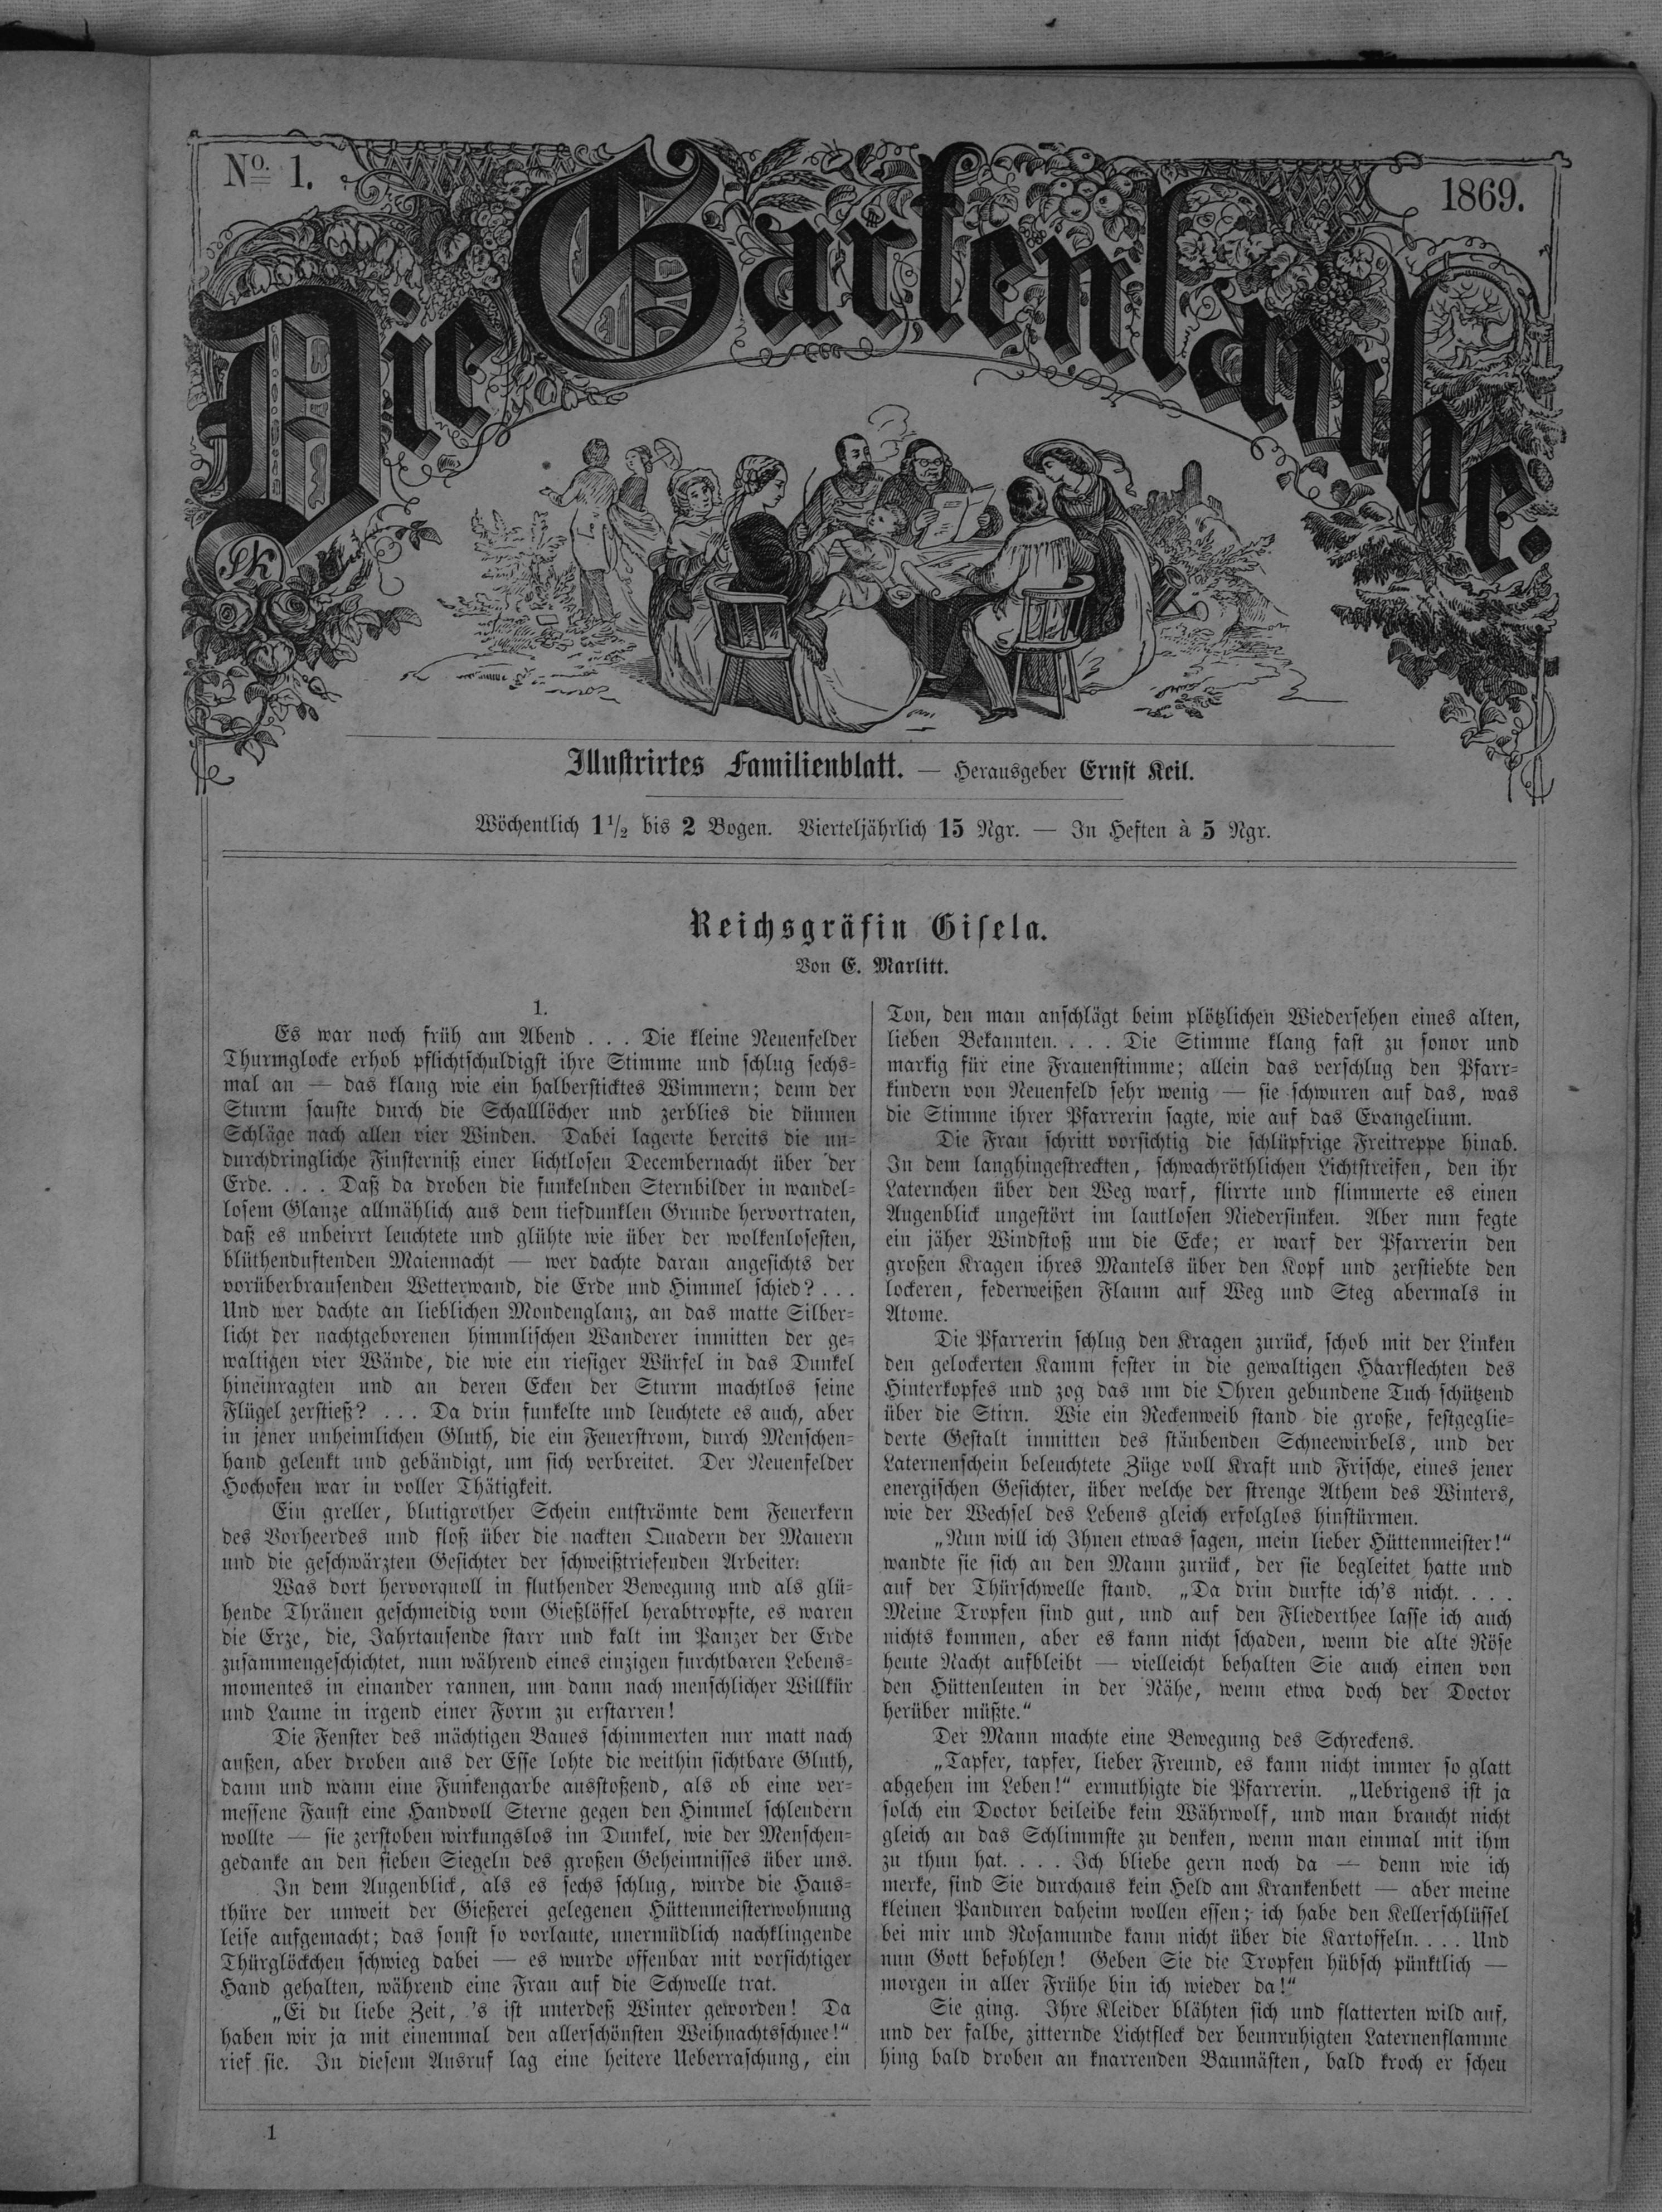No. 1. 1869.
Die Gartenlaube.

Illustrirtes Familienblatt. – Herausgeber Ernst Keil.

Wöchentlich 1½ bis 2 Bogen. Vierteljährlich 15 Ngr. – In Heften à 5 Ngr.

Reichsgräfin Gisela.
Von E. Marlitt.

1.
Es war noch früh am Abend … Die kleine Neuenfelder Thurmglocke erhob pflichtschuldigst ihre Stimme und schlug sechsmal an – das klang wie ein halbersticktes Wimmern; denn der Sturm sauste durch die Schalllöcher und zerblies die dünnen Schläge nach allen vier Winden. Dabei lagerte bereits die undurchdringliche Finsterniß einer lichtlosen Decembernacht über der Erde. … Daß da droben die funkelnden Sternbilder in wandellosem Glanze allmählich aus dem tiefdunklen Grunde hervortraten, daß es unbeirrt leuchtete und glühte wie über der wolkenlosesten, blüthenduftenden Maiennacht – wer dachte daran angesichts der vorüberbrausenden Wetterwand, die Erde und Himmel schied? … Und wer dachte an lieblichen Mondenglanz, an das matte Silberlicht der nachtgeborenen himmlischen Wanderer inmitten der gewaltigen vier Wände, die wie ein riesiger Würfel in das Dunkel hineinragten und an deren Ecken der Sturm machtlos seine Flügel zerstieß? … Da drin funkelte und leuchtete es auch, aber in jener unheimlichen Gluth, die ein Feuerstrom, durch Menschenhand gelenkt und gebändigt, um sich verbreitet. Der Neuenfelder Hochofen war in voller Thätigkeit.

Ein greller, blutigrother Schein entströmte dem Feuerkern des Vorheerdes und floß über die nackten Quadern der Mauern und die geschwärzten Gesichter der schweißtriefenden Arbeiter.

Was dort hervorquoll in fluthender Bewegung und als glühende Thränen geschmeidig vom Gießlöffel herabtropfte, es waren die Erze, die, Jahrtausende starr und kalt im Panzer der Erde zusammengeschichtet, nun während eines einzigen furchtbaren Lebensmomentes in einander rannen, um dann nach menschlicher Willkür und Laune in irgend einer Form zu erstarren!

Die Fenster des mächtigen Baues schimmerten nur matt nach außen, aber droben aus der Esse lohte die weithin sichtbare Gluth, dann und wann eine Funkengarbe ausstoßend, als ob eine vermessene Faust eine Handvoll Sterne gegen den Himmel schleudern wollte – sie zerstoben wirkungslos im Dunkel, wie der Menschengedanke an den sieben Siegeln des großen Geheimnisses über uns.

In dem Augenblick, als es sechs schlug, wurde die Hausthüre der unweit der Gießerei gelegenen Hüttenmeisterwohnung leise aufgemacht; das sonst so vorlaute, unermüdlich nachklingende Thürglöckchen schwieg dabei – es wurde offenbar mit vorsichtiger Hand gehalten, während eine Frau auf die Schwelle trat.

„Ei du liebe Zeit, ‘s ist unterdeß Winter geworden! Da haben wir ja mit einemmal den allerschönsten Weihnachtsschnee!“ rief sie. In diesem Ausruf lag eine heitere Ueberraschung, ein Ton, den man anschlägt beim plötzlichen Wiedersehen eines alten, lieben Bekannten. … Die Stimme klang fast zu sonor und markig für eine Frauenstimme, allein das verschlug den Pfarrkindern von Neuenfeld sehr wenig – sie schwuren auf das, was die Stimme ihrer Pfarrerin sagte, wie auf das Evangelium.

Die Frau schritt vorsichtig die schlüpfrige Freitreppe hinab. In dem langhingestreckten, schwachröthlichen Lichtstreifen, den ihr Laternchen über den Weg warf, flirrte und flimmerte es einen Augenblick ungestört im lautlosen Niedersinken. Aber nun fegte ein jäher Windstoß um die Ecke; er warf der Pfarrerin den großen Kragen ihres Mantels über den Kopf und zerstiebte den lockeren, federweißen Flaum auf Weg und Steg abermals in Atome.

Die Pfarrerin schlug den Kragen zurück, schob mit der Linken den gelockerten Kamm fester in die gewaltigen Haarflechten des Hinterkopfes und zog das um die Ohren gebundene Tuch schützend über die Stirn. Wie ein Reckenweib stand die große, festgegliederte Gestalt inmitten des stäubenden Schneewirbels, und der Laternenschein beleuchtete Züge voll Kraft und Frische, eines jener energischen Gesichter, über welche der strenge Athem des Winters, wie der Wechsel des Lebens gleich erfolglos hinstürmen.

„Nun will ich Ihnen etwas sagen, mein lieber Hüttenmeister!“ wandte sie sich an den Mann zurück, der sie begleitet hatte und auf der Thürschwelle stand. „Da drin durfte ich‘s nicht. … Meine Tropfen sind gut, und auf den Fliederthee lasse ich auch nichts kommen, aber es kann nicht schaden, wenn die alte Röse heute Nacht aufbleibt – vielleicht behalten Sie auch einen von den Hüttenleuten in der Nähe, wenn etwa doch der Doctor herüber müßte.“

Der Mann machte eine Bewegung des Schreckens.

„Tapfer, tapfer, lieber Freund, es kann nicht immer so glatt abgehen im Leben!„“ ermuthigte die Pfarrerin. „Uebrigens ist ja solch ein Doctor beileibe kein Währwolf, und man braucht nicht gleich an das Schlimmste zu denken, wenn man einmal mit ihm zu thun hat. … Ich bliebe gern noch da – denn wie ich merke, sind Sie durchaus kein Held am Krankenbett – aber meine kleinen Panduren daheim wollen essen; ich habe den Kellerschlüssel bei mir und Rosamunde kann nicht über die Kartoffeln. … Und nun Gott befohlen! Geben Sie die Tropfen hübsch pünktlich – morgen in aller Frühe bin ich wieder da!“

Sie ging. Ihre Kleider blähten sich und flatterten wild auf, und der falbe, zitternde Lichtfleck der beunruhigten Laternenflamme hing bald droben an knarrenden Baumästen, bald kroch er scheu
